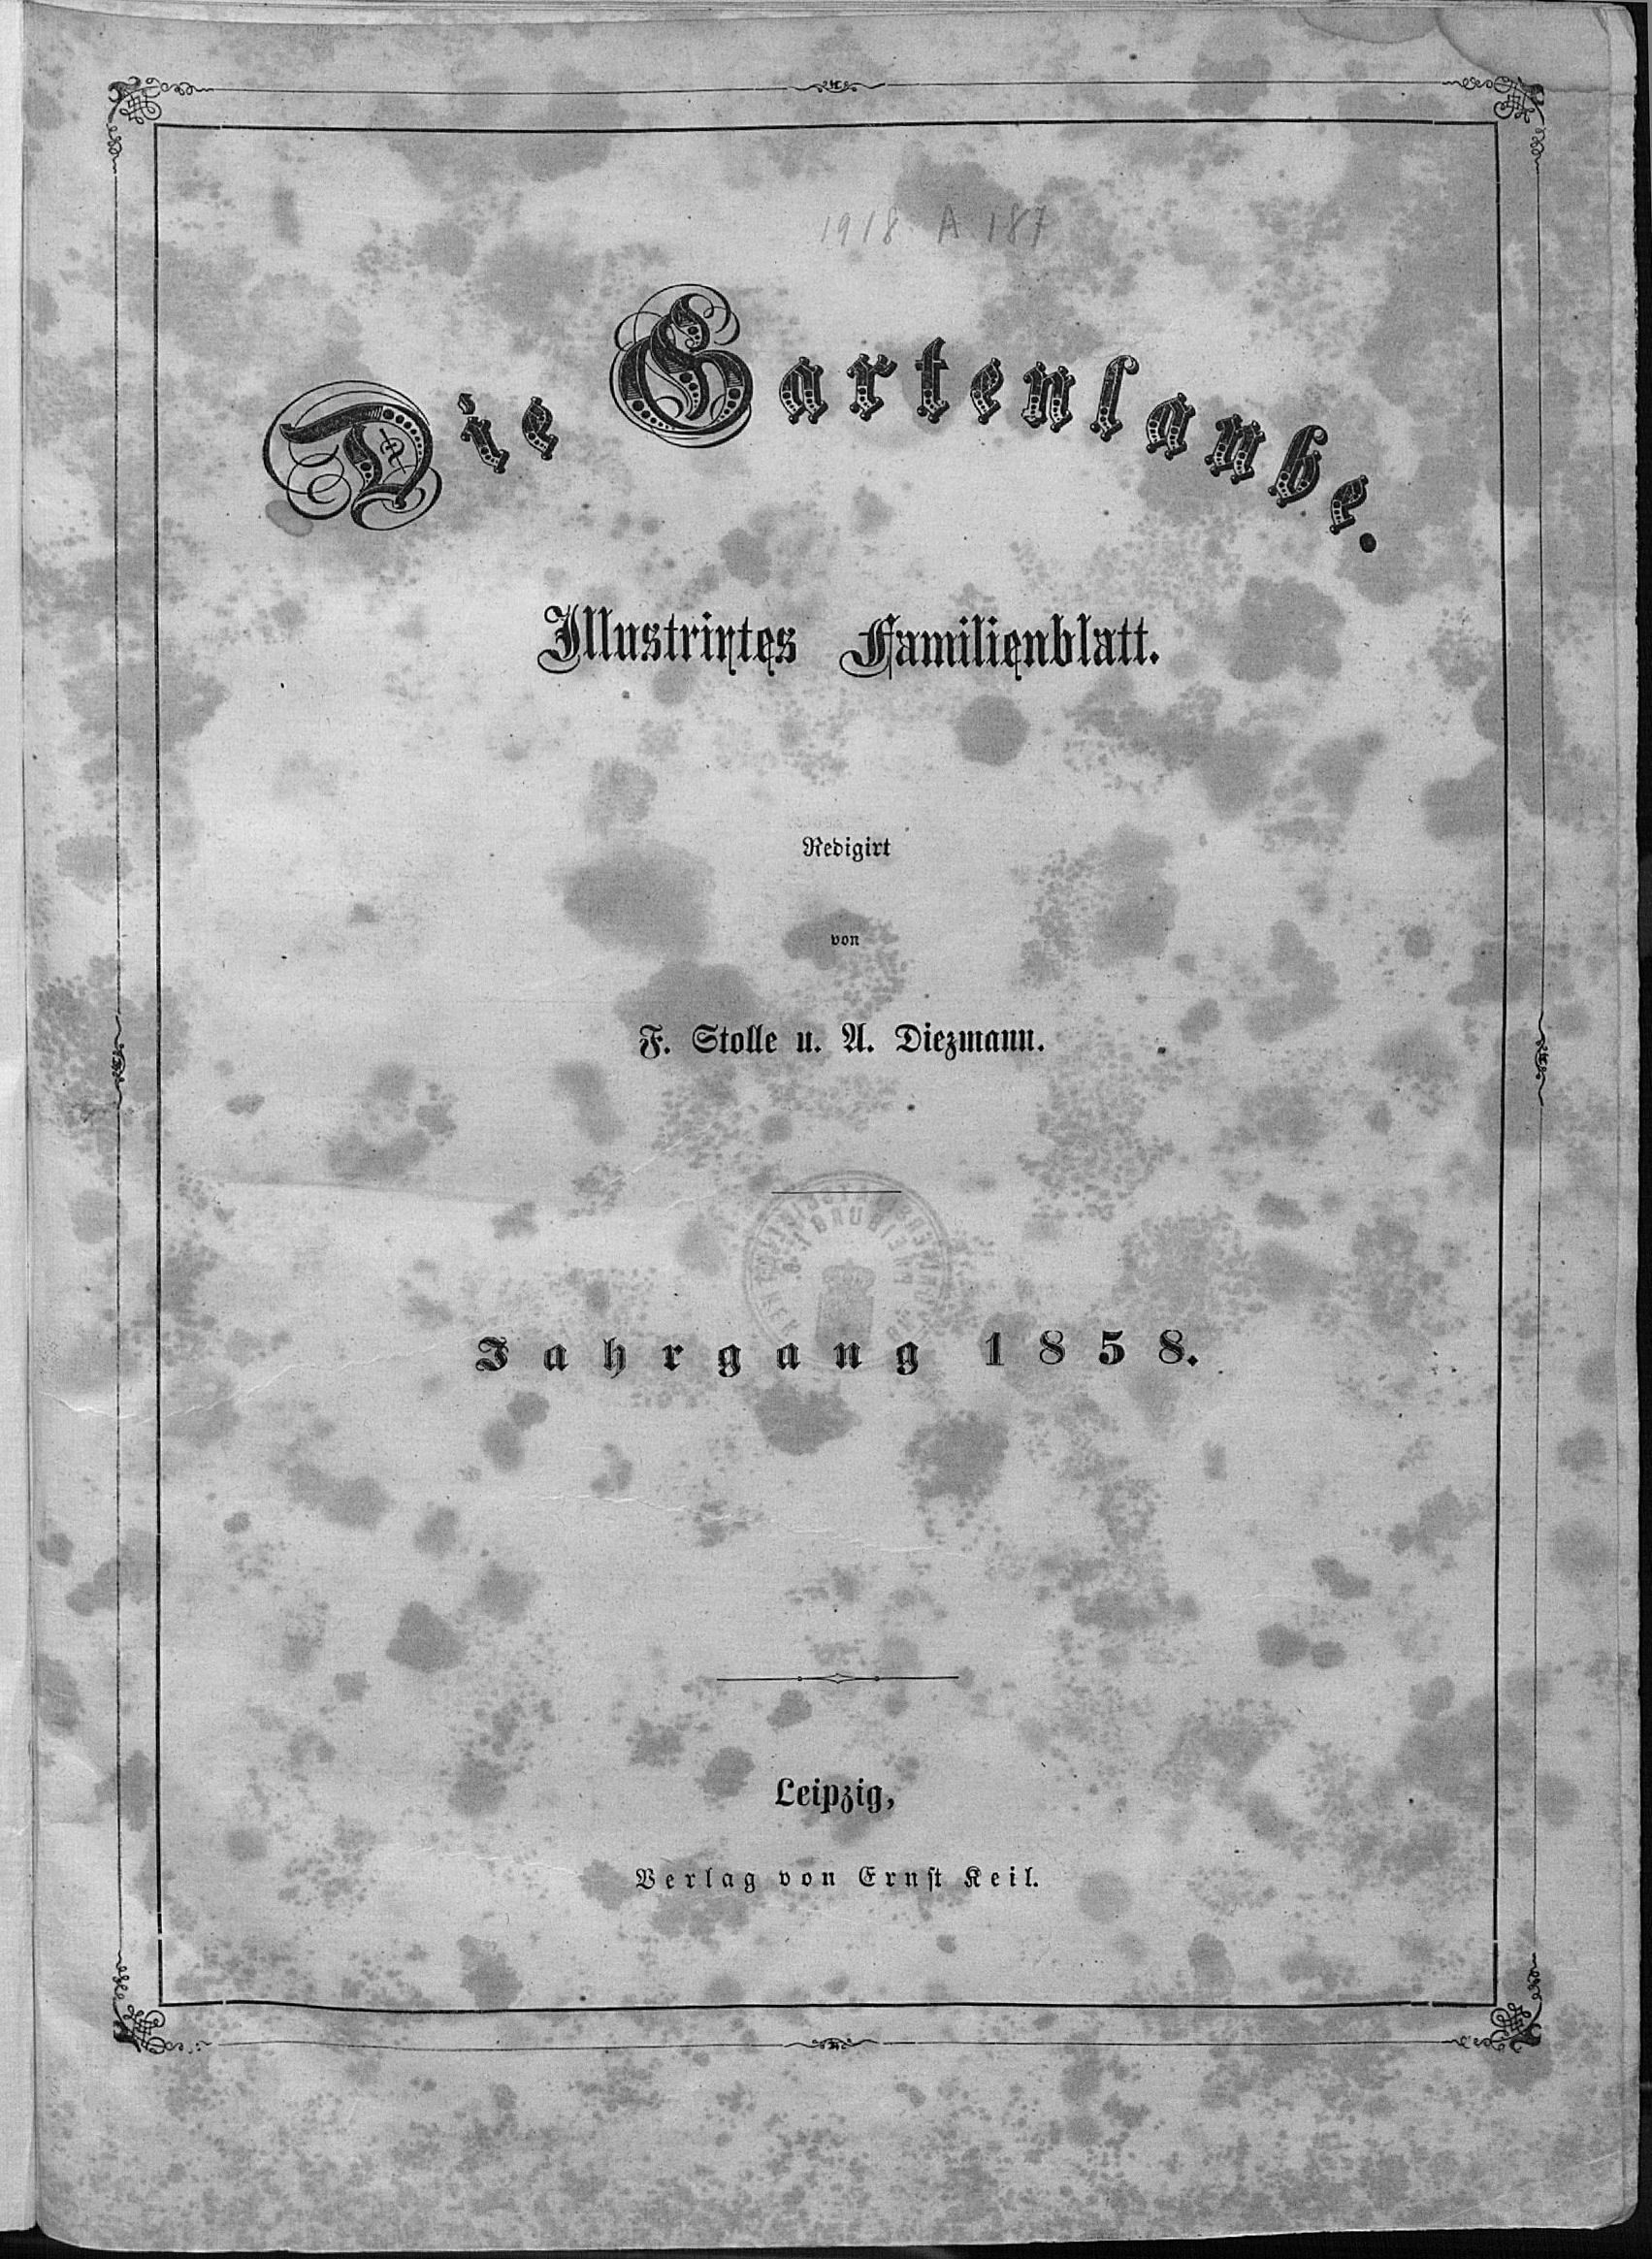Die Gartenlaube.

Illustrirtes Familienblatt.

Redigirt

von

F. Stolle u. A. Diezmann.

Jahrgang 1858.

Leipzig,

Verlag von Ernst Keil.
